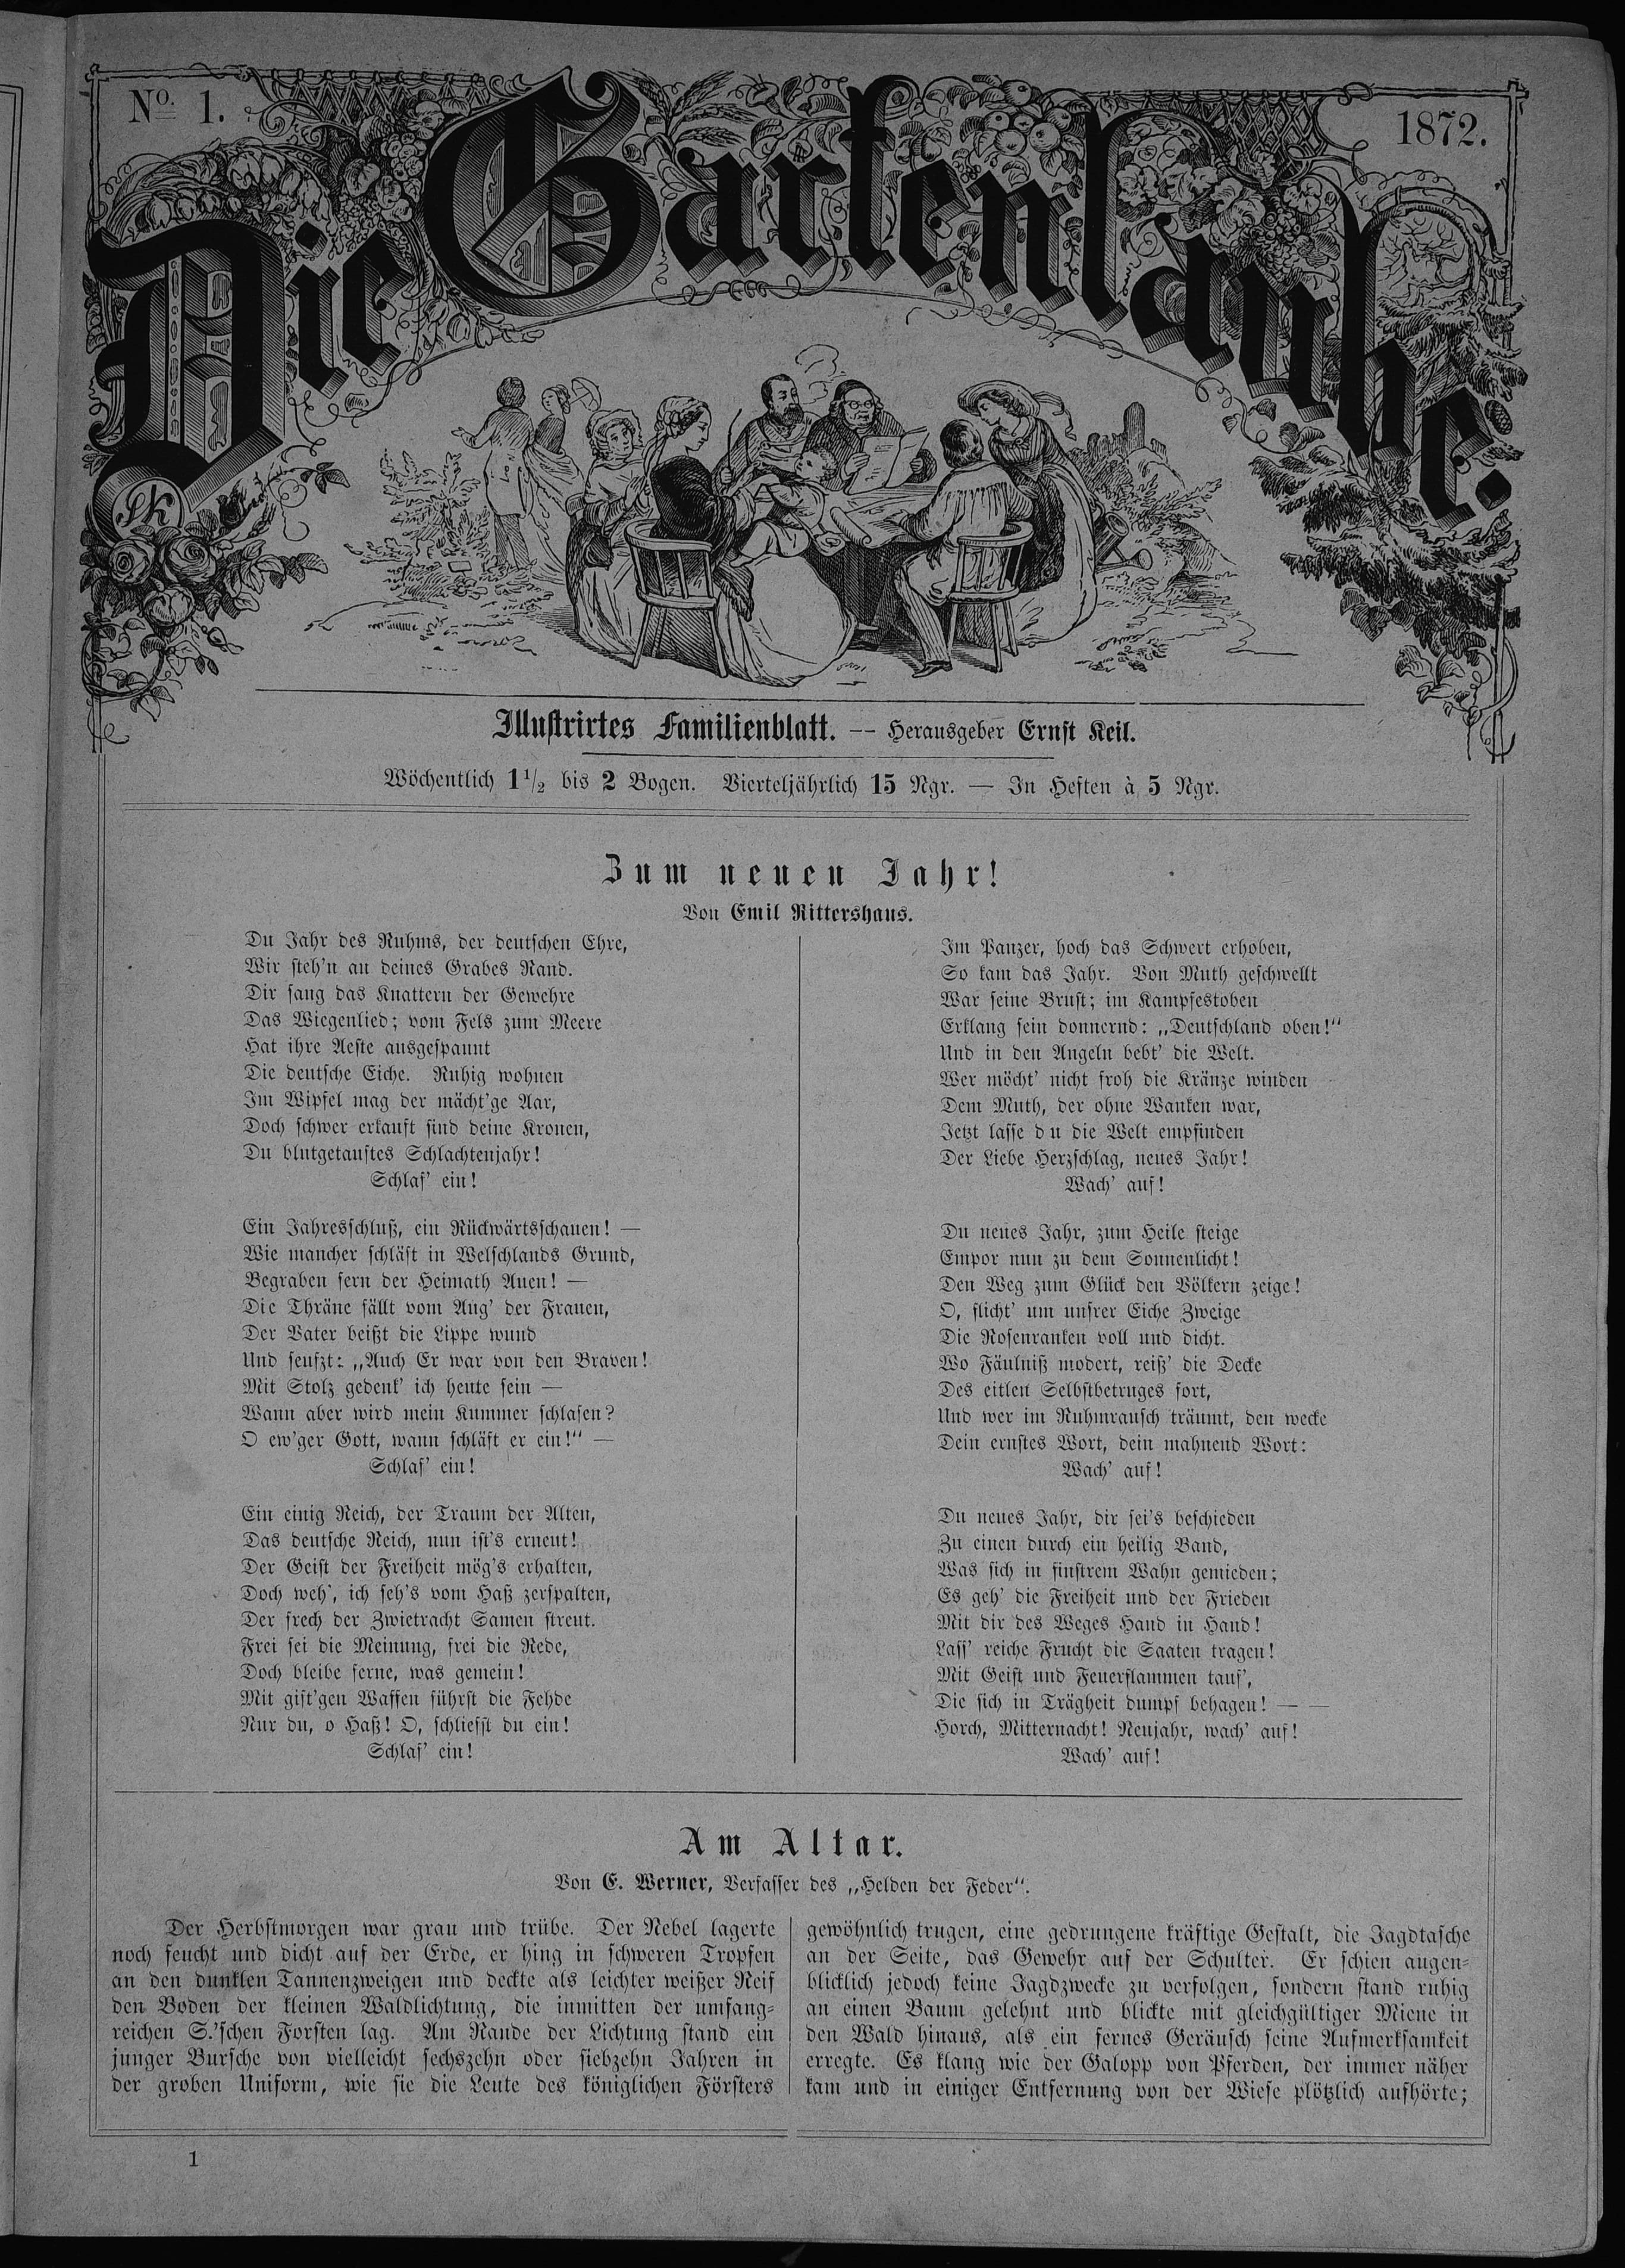No. 1. 1872.
Die Gartenlaube.

Illustrirtes Familienblatt. – Herausgeber Ernst Keil.

Wöchentlich 1½ bis 2 Bogen. Vierteljährlich 15 Ngr. – In Heften à 5 Ngr.

Zum neuen Jahr!
Von Emil Rittershaus.

Du Jahr des Ruhms, der deutschen Ehre,
Wir steh’n an deines Grabes Rand.
Dir sang das Knattern der Gewehre
Das Wiegenlied; vom Fels zum Meere
Hat ihre Aeste ausgespannt
Die deutsche Eiche. Ruhig wohnen
Im Wipfel mag der mächt’ge Aar,
Doch schwer erkauft sind deine Kronen,
Du blutgetauftes Schlachtenjahr!
Schlaf’ ein!

Ein Jahresschluß, ein Rückwärtsschauen! –
Wie mancher schläft in Welschlands Grund,
Begraben fern der Heimath Auen! –
Die Thräne fällt vom Aug’ der Frauen,
Der Vater beißt die Lippe wund
Und seufzt: „Auch Er war von den Braven!
Mit Stolz gedenk’ ich heute sein –
Wann aber wird mein Kummer schlafen?
O ew’ger Gott, wann schläft er ein!“ –
Schlaf’ ein!

Ein einig Reich, der Traum der Alten,
Das deutsche Reich, nun ist’s erneut!
Der Geist der Freiheit mög’s erhalten,
Doch weh’, ich seh’s vom Haß zerspalten,
Der frech der Zwietracht Samen streut.
Frei sei die Meinung, frei die Rede,
Doch bleibe ferne, was gemein!
Mit gift’gen Waffen führst die Fehde
Nur du, o Haß! O, schliefst du ein!
Schlaf’ ein!

Im Panzer, hoch das Schwert erhoben,
So kam das Jahr. Von Muth geschwellt
War seine Brust; im Kampfestoben
Erklang sein donnernd: „Deutschland oben!“
Und in den Angeln bebt’ die Welt.
Wer möcht’ nicht froh die Kränze winden
Dem Muth, der ohne Wanken war,
Jetzt lasse du die Welt empfinden
Der Liebe Herzschlag, neues Jahr!
Wach’ auf!

Du neues Jahr, zum Heile steige
Empor nun zu dem Sonnenlicht!
Den Weg zum Glück den Völkern zeige!
O, flicht’ um unsrer Eiche Zweige
Die Rosenranken voll und dicht.
Wo Fäulniß modert, reiß’ die Decke
Des eitlen Selbstbetruges fort,
Und wer im Ruhmrausch träumt, den wecke
Dein ernstes Wort, dein mahnend Wort:
Wach’ auf!

Du neues Jahr, dir sei’s beschieden
Zu einen durch ein heilig Band,
Was sich in finstrem Wahn gemieden;
Es geh’ die Freiheit und der Frieden
Mit dir des Weges Hand in Hand!
Lass’ reiche Frucht die Saaten tragen!
Mit Geist und Feuerflammen tauf’,
Die sich in Trägheit dumpf behagen! – –
Horch, Mitternacht! Neujahr, wach’ auf!
Wach’ auf!

Am Altar.
Von E. Werner, Verfasser des „Helden der Feder“.

Der Herbstmorgen war grau und trübe. Der Nebel lagerte noch feucht und dicht auf der Erde, er hing in schweren Tropfen an den dunklen Tannenzweigen und deckte als leichter weißer Reif den Boden der kleinen Waldlichtung, die inmitten der umfangreichen S.’schen Forsten lag. Am Rande der Lichtung stand ein junger Bursche von vielleicht sechszehn oder siebzehn Jahren in der groben Uniform, wie sie die Leute des königlichen Försters gewöhnlich trugen, eine gedrungene kräftige Gestalt, die Jagdtasche an der Seite, das Gewehr auf der Schulter. Er schien augenblicklich jedoch keine Jagdzwecke zu verfolgen, sondern stand ruhig an einen Baum gelehnt und blickte mit gleichgültiger Miene in den Wald hinaus, als ein fernes Geräusch seine Aufmerksamkeit erregte. Es klang wie der Galopp von Pferden, der immer näher kam und in einiger Entfernung von der Wiese plötzlich aufhörte;
